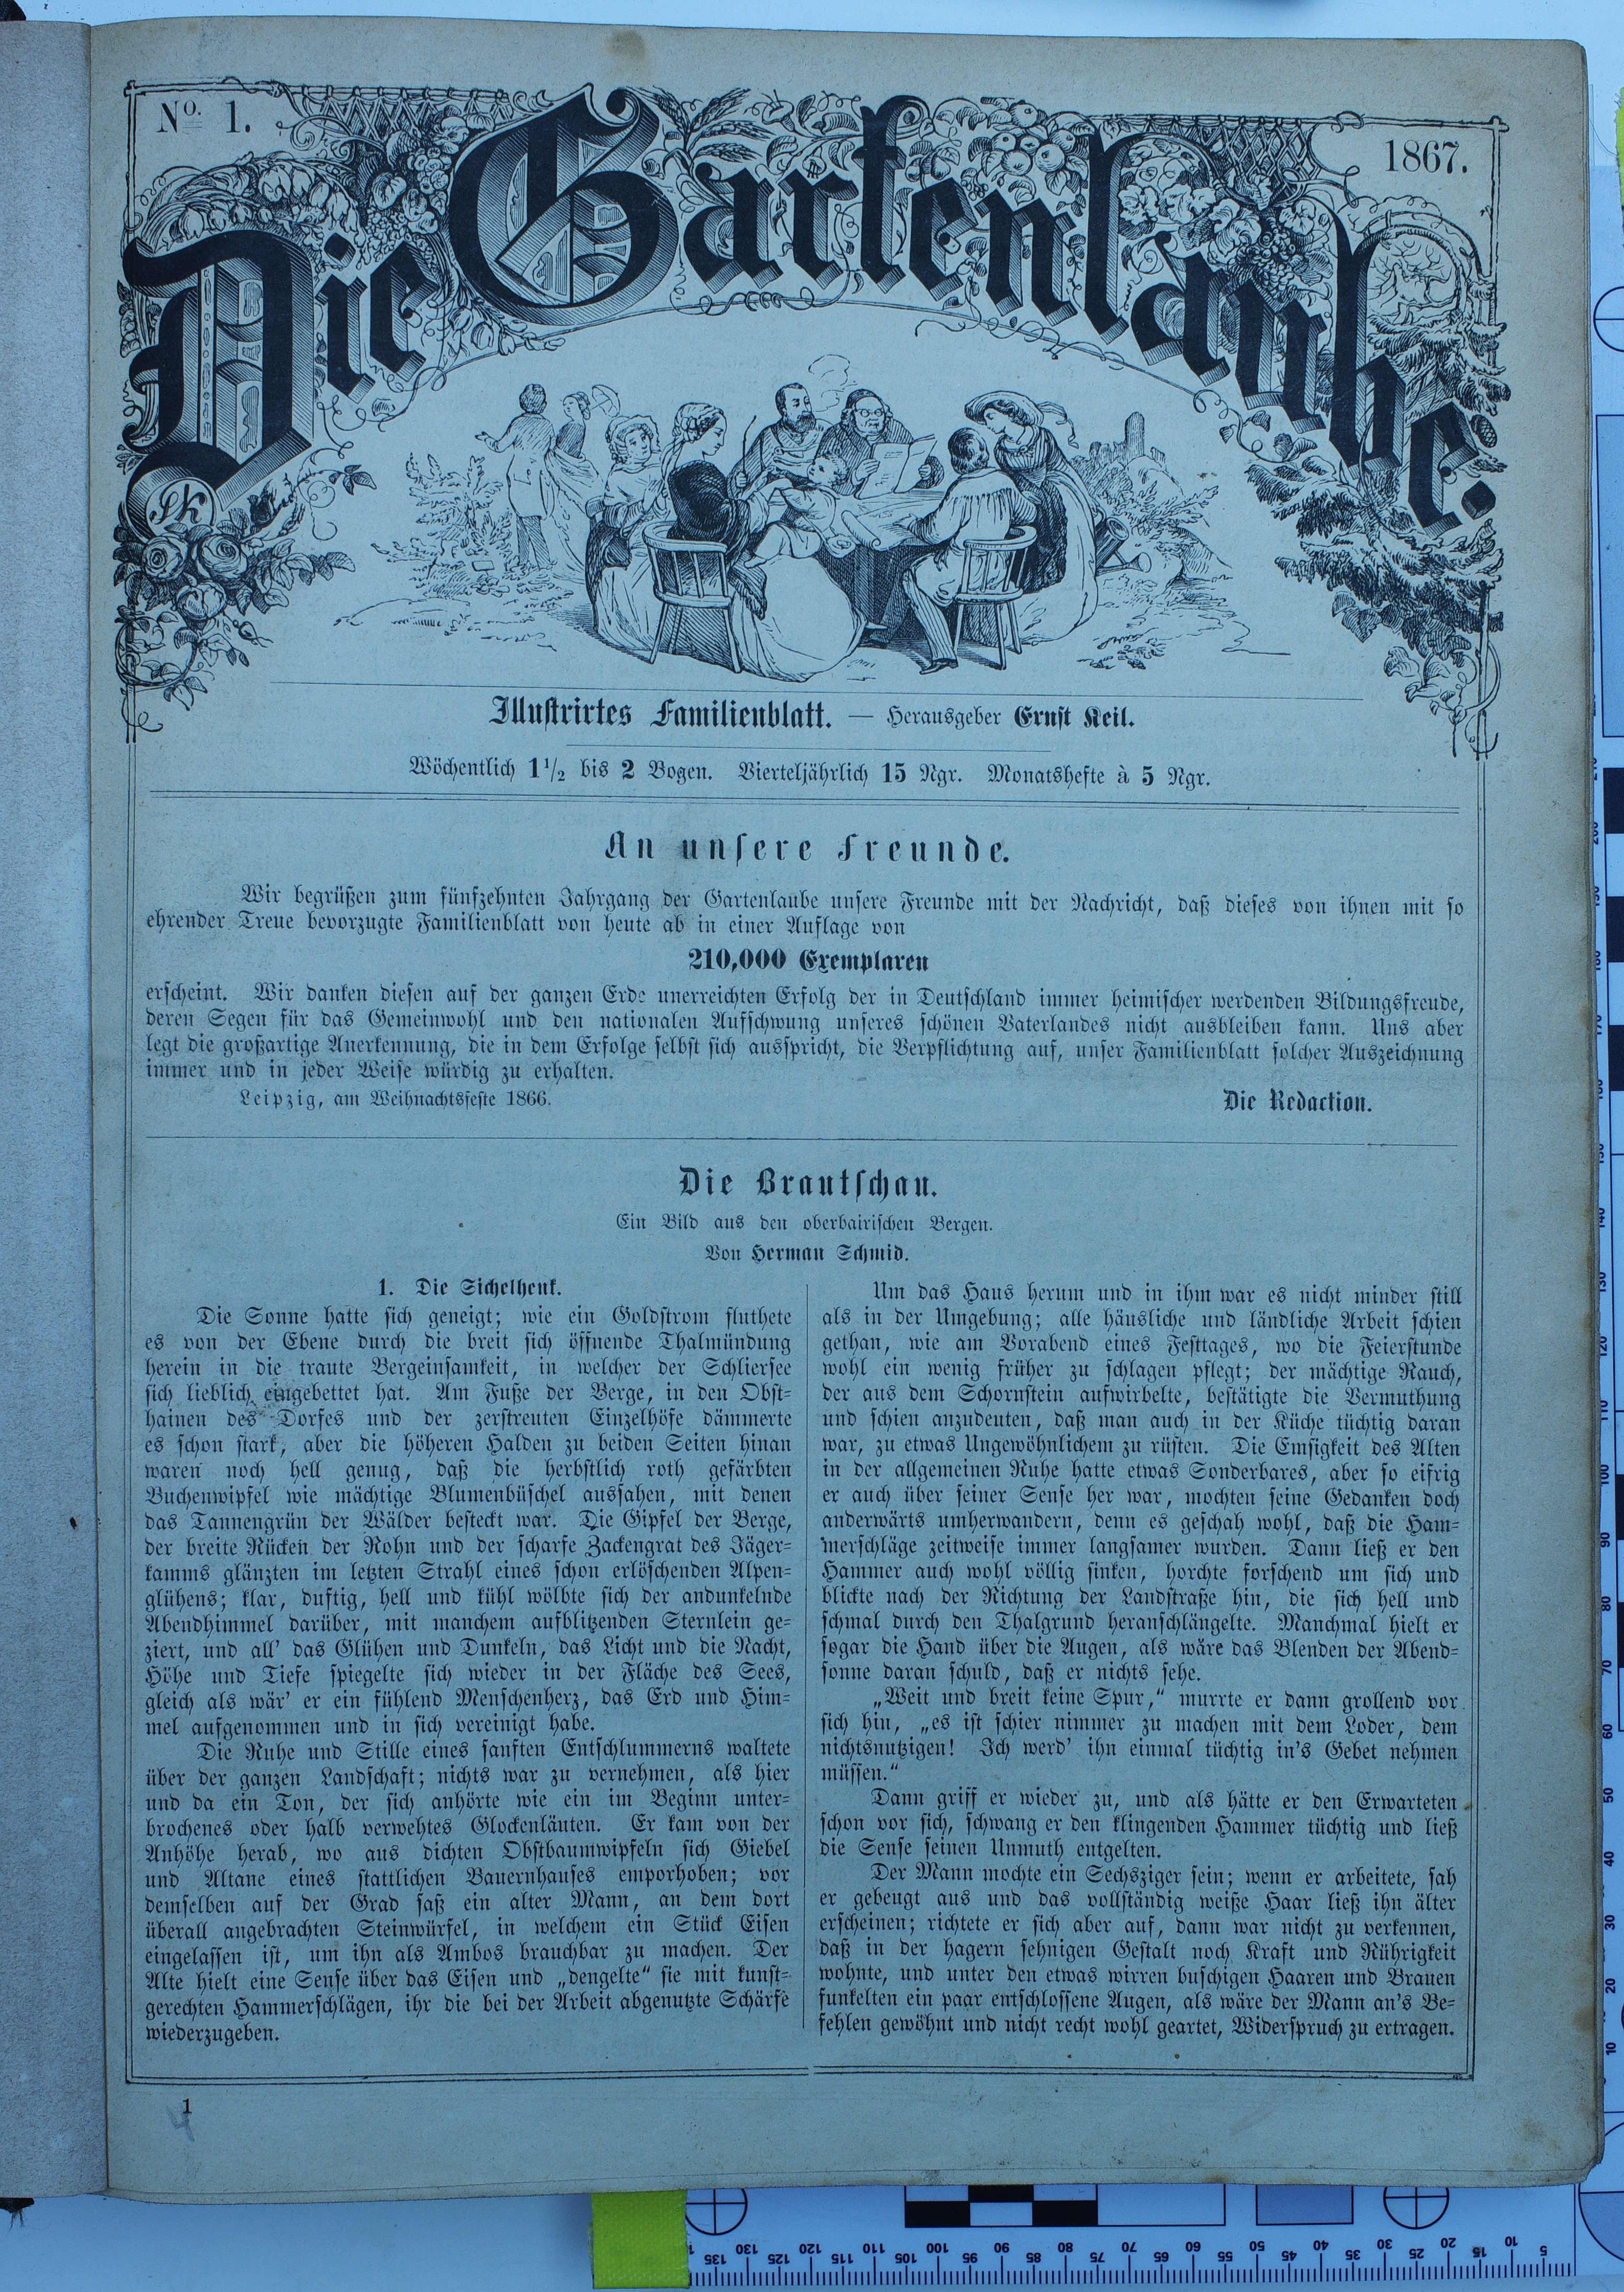No. 1. 1867.
Die Gartenlaube.

Illustrirtes Familienblatt. – Herausgeber Ernst Keil.

Wöchentlich 1½ bis 2 Bogen. Vierteljährlich 15 Ngr. Monatshefte à 5 Ngr.

An unsere Freunde.

Wir begrüßen zum fünfzehnten Jahrgang der Gartenlaube unsere Freunde mit der Nachricht, daß dieses von ihnen mit so ehrender Treue bevorzugte Familienblatt von heute ab in einer Auflage von
210,000 Exemplaren
erscheint. Wir danken diesen auf der ganzen Erde unerreichten Erfolg der in Deutschland immer heimischer werdenden Bildungsfreude, deren Segen für das Gemeinwohl und den nationalen Aufschwung unseres schönen Vaterlandes nicht ausbleiben kann. Uns aber legt die großartige Anerkennung, die in dem Erfolge selbst sich ausspricht, die Verpflichtung auf, unser Familienblatt solcher Auszeichnung immer und in jeder Weise würdig zu erhalten.

Leipzig, am Weihnachtsfeste 1866.
Die Redaction.

Die Brautschau.
Ein Bild aus den oberbairischen Bergen.
Von Herman Schmid.

1. Die Sichelhenk.

Die Sonne hatte sich geneigt; wie ein Goldstrom fluthete es von der Ebene durch die breit sich öffnende Thalmündung herein in die traute Bergeinsamkeit, in welcher der Schliersee sich lieblich eingebettet hat. Am Fuße der Berge, in den Obsthainen des Dorfes und der zerstreuten Einzelhöfe dämmerte es schon stark, aber die höheren Halden zu beiden Seiten hinan waren noch hell genug, daß die herbstlich roth gefärbten Buchenwipfel wie mächtige Blumenbüschel aussahen, mit denen das Tannengrün der Wälder besteckt war. Die Gipfel der Berge, der breite Rücken der Rohn und der scharfe Zackengrat des Jägerkamms glänzten im letzten Strahl eines schon erlöschenden Alpenglühens; klar, duftig, hell und kühl wölbte sich der andunkelnde Abendhimmel darüber, mit manchem aufblitzenden Sternlein geziert, und all’ das Glühen und Dunkeln, das Licht und die Nacht, Höhe und Tiefe spiegelte sich wieder in der Fläche des Sees, gleich als wär’ er ein fühlend Menschenherz, das Erd und Himmel aufgenommen und in sich vereinigt habe.

Die Ruhe und Stille eines sanften Entschlummerns waltete über der ganzen Landschaft; nichts war zu vernehmen, als hier und da ein Ton, der sich anhörte wie ein im Beginn unterbrochenes oder halb verwehtes Glockenläuten. Er kam von der Anhöhe herab, wo aus dichten Obstbaumwipfeln sich Giebel und Altane eines stattlichen Bauernhauses emporhoben; vor demselben auf der Grad saß ein alter Mann, an dem dort überall angebrachten Steinwürfel, in welchem ein Stück Eisen eingelassen ist, um ihn als Ambos brauchbar zu machen. Der Alte hielt eine Sense über das Eisen und „dengelte“ sie mit kunstgerechten Hammerschlägen, ihr die bei der Arbeit abgenutzte Schärfe wiederzugeben.

Um das Haus herum und in ihm war es nicht minder still als in der Umgebung; alle häusliche und ländliche Arbeit schien gethan, wie am Vorabend eines Festtages, wo die Feierstunde wohl ein wenig früher zu schlagen pflegt; der mächtige Rauch, der aus dem Schornstein aufwirbelte, bestätigte die Vermuthung und schien anzudeuten, daß man auch in der Küche tüchtig daran war, zu etwas Ungewöhnlichem zu rüsten. Die Emsigkeit des Alten in der allgemeinen Ruhe hatte etwas Sonderbares, aber so eifrig er auch über seiner Sense her war, mochten seine Gedanken doch anderwärts umherwandern, denn es geschah wohl, daß die Hammerschläge zeitweise immer langsamer wurden. Dann ließ er den Hammer auch wohl völlig sinken, horchte forschend um sich und blickte nach der Richtung der Landstraße hin, die sich hell und schmal durch den Thalgrund heranschlängelte. Manchmal hielt er sogar die Hand über die Augen, als wäre das Blenden der Abendsonne daran schuld, daß er nichts sehe.

„Weit und breit keine Spur,“ murrte er dann grollend vor sich hin, „es ist schier nimmer zu machen mit dem Loder, dem nichtsnutzigen! Ich werd’ ihn einmal tüchtig in’s Gebet nehmen müssen.“

Dann griff er wieder zu, und als hätte er den Erwarteten schon vor sich, schwang er den klingenden Hammer tüchtig und ließ die Sense seinen Unmuth entgelten.

Der Mann mochte ein Sechsziger sein; wenn er arbeitete, sah er gebeugt aus und das vollständig weiße Haar ließ ihn älter erscheinen; richtete er sich aber auf, dann war nicht zu verkennen, daß in der hagern sehnigen Gestalt noch Kraft und Rührigkeit wohnte, und unter den etwas wirren buschigen Haaren und Brauen funkelten ein paar entschlossene Augen, als wäre der Mann an’s Befehlen gewöhnt und nicht recht wohl geartet, Widerspruch zu ertragen.
